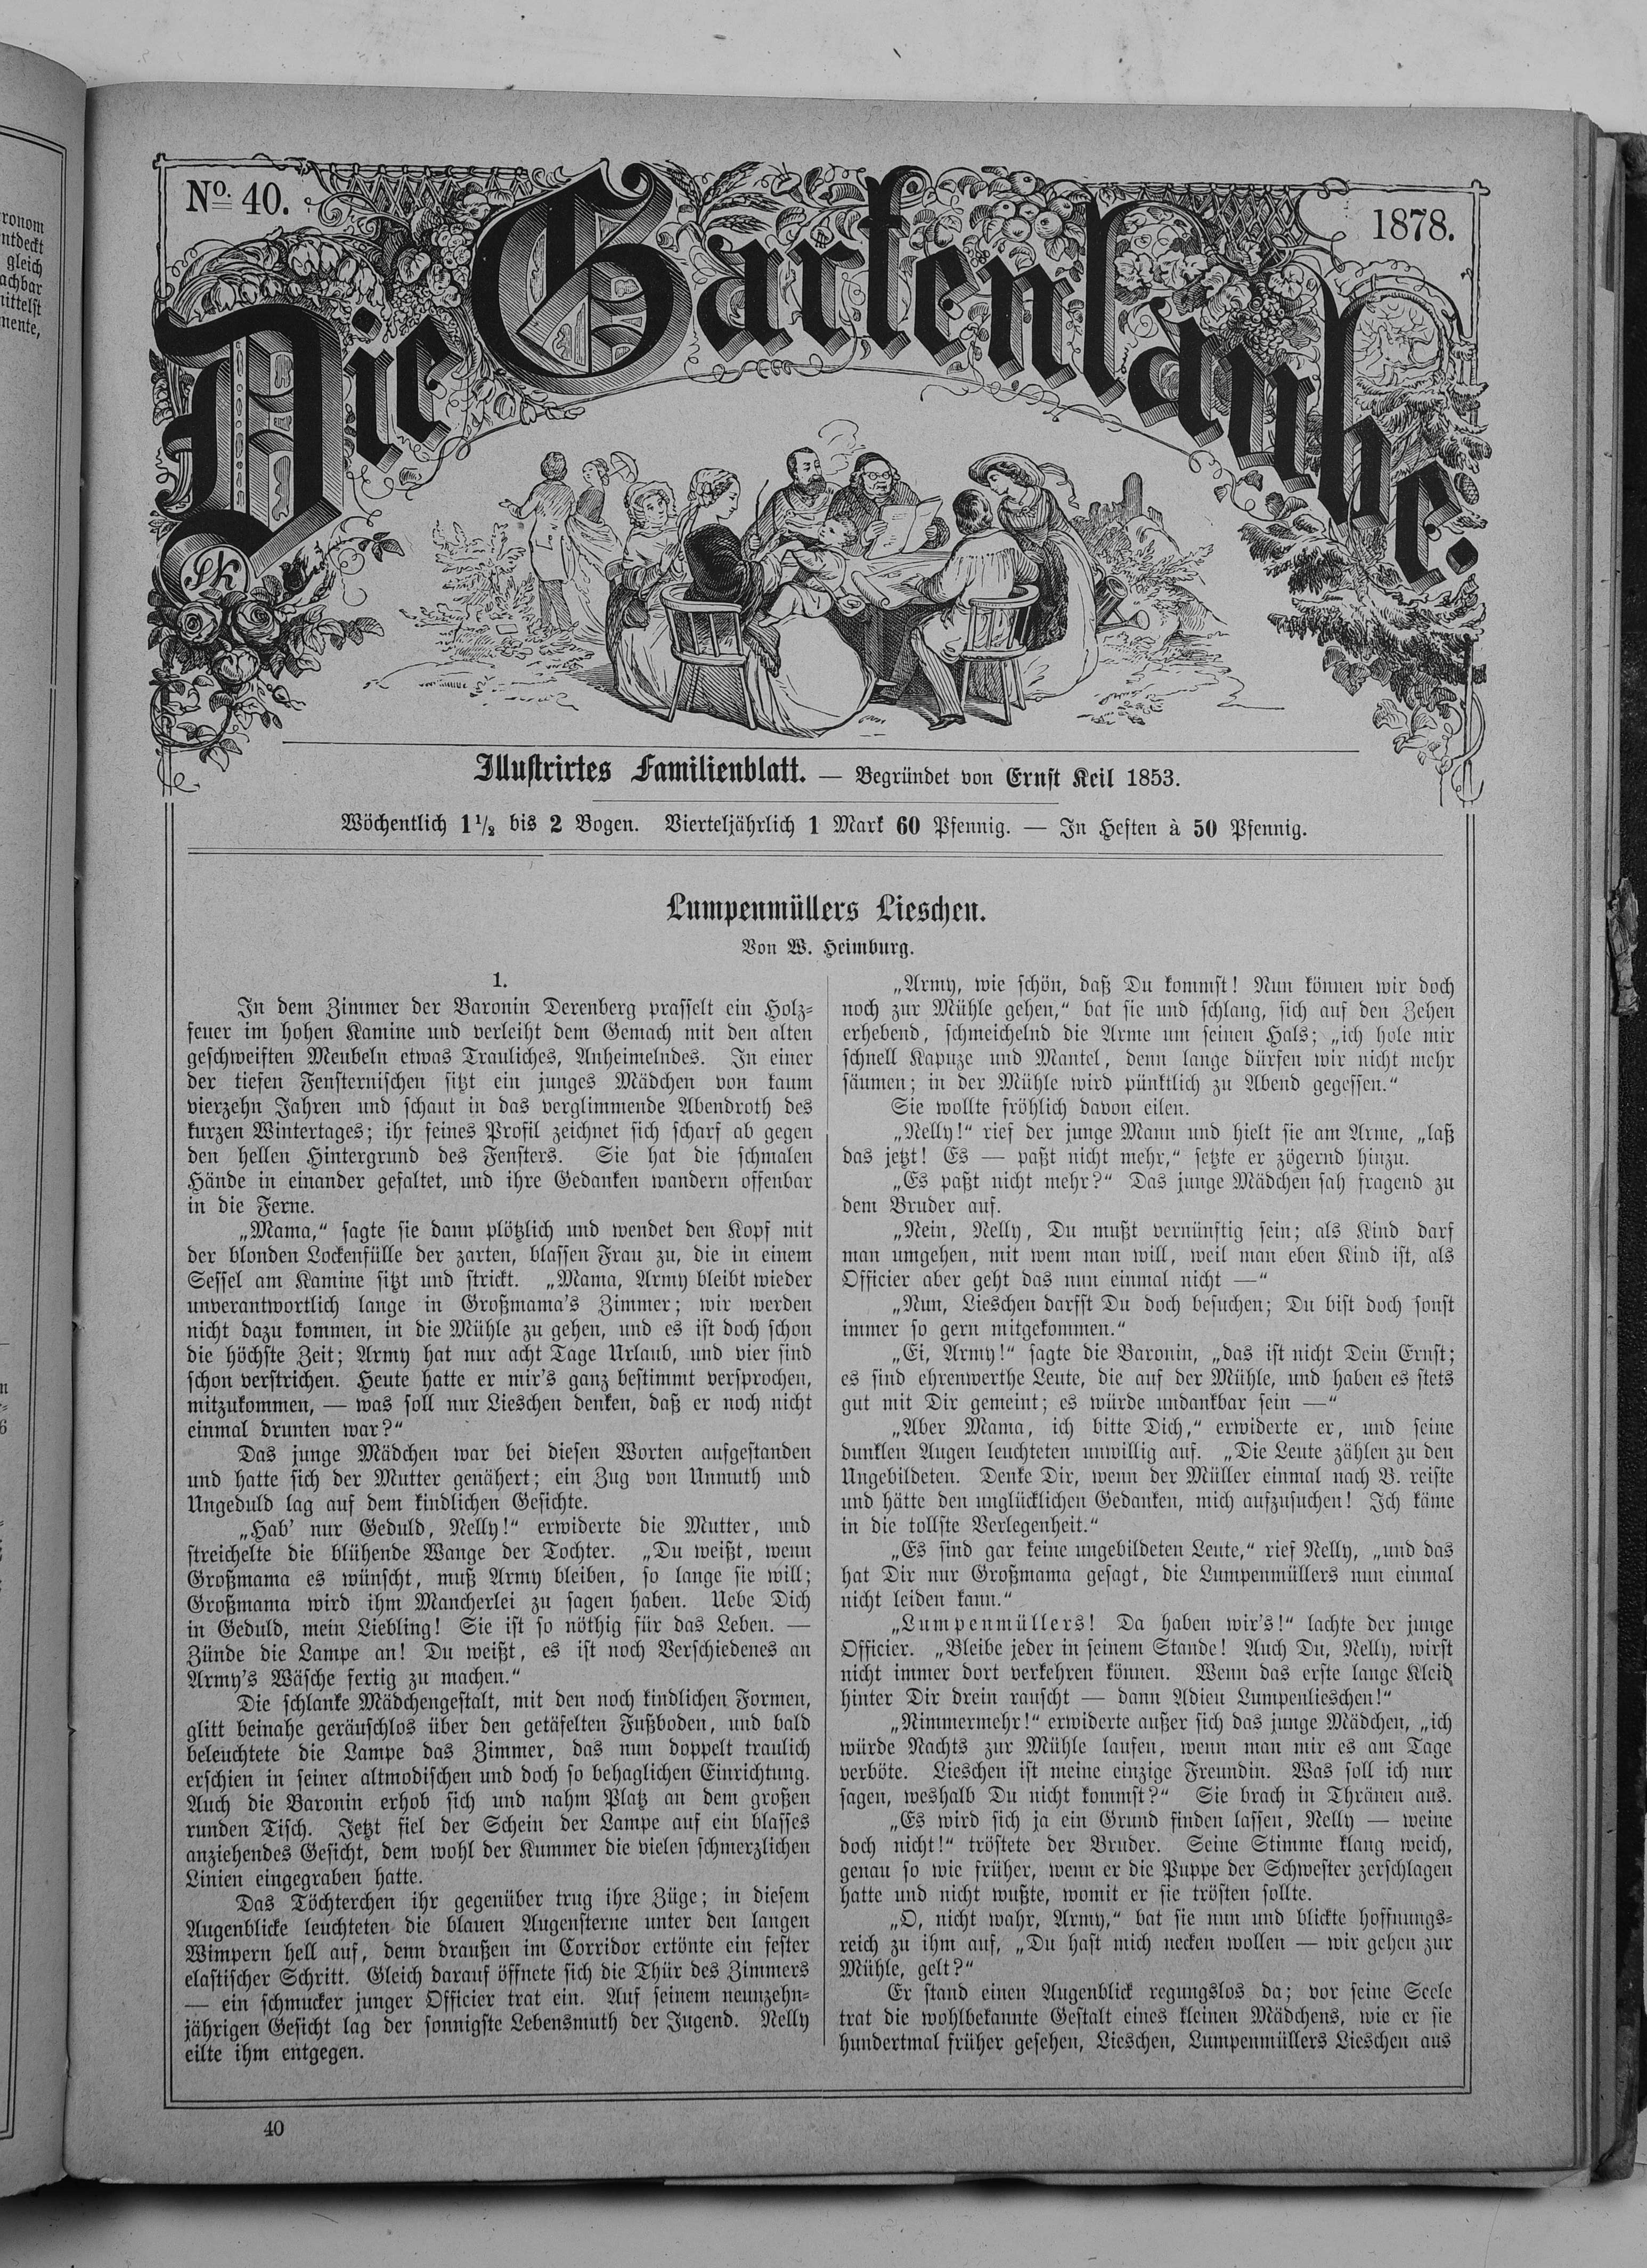Lumpenmüllers Lieschen.

Von W. Heimburg.

1.

In dem Zimmer der Baronin Derenberg prasselt ein Holzfeuer im hohen Kamine und verleiht dem Gemach mit den alten geschweiften Meubeln etwas Trauliches, Anheimelndes. In einer der tiefen Fensternischen sitzt ein junges Mädchen von kaum vierzehn Jahren und schaut in das verglimmende Abendroth des kurzen Wintertages; ihr feines Profil zeichnet sich scharf ab gegen den hellen Hintergrund des Fensters. Sie hat die schmalen Hände in einander gefaltet, und ihre Gedanken wandern offenbar in die Ferne.

„Mama,“ sagte sie dann plötzlich und wendet den Kopf mit der blonden Lockenfülle der zarten, blassen Frau zu, die in einem Sessel am Kamine sitzt und strickt. „Mama, Army bleibt wieder unverantwortlich lange in Großmama’s Zimmer; wir werden nicht dazu kommen, in die Mühle zu gehen, und es ist doch schon die höchste Zeit; Army hat nur acht Tage Urlaub, und vier sind schon verstrichen. Heute hatte er mir’s ganz bestimmt versprochen, mitzukommen, – was soll nur Lieschen denken, daß er noch nicht einmal drunten war?“

Das junge Mädchen war bei diesen Worten aufgestanden und hatte sich der Mutter genähert; ein Zug von Unmuth und Ungeduld lag auf dem kindlichen Gesichte.

„Hab’ nur Geduld, Nelly!“ erwiderte die Mutter, und streichelte die blühende Wange der Tochter. „Du weißt, wenn Großmama es wünscht, muß Army bleiben so lange sie will. Großmama wird ihm Mancherlei zu sagen haben. Uebe Dich in Geduld, mein Liebling! Sie ist so nöthig für das Leben. – Zünde die Lampe an! Du weißt, es ist noch Verschiedenes an Army’s Wäsche fertig zu machen.“

Die schlanke Mädchengestalt, mit den noch kindlichen Formen, glitt beinahe geräuschlos über den getäfelten Fußboden, und bald beleuchtete die Lampe das Zimmer, das nun doppelt traulich erschien in seiner altmodischen und doch so behaglichen Einrichtung. Auch die Baronin erhob sich und nahm Platz an dem großen runden Tisch. Jetzt fiel der Schein der Lampe auf ein blasses anziehendes Gesicht, dem wohl der Kummer die vielen schmerzlichen Linien eingegraben hatte.

Das Töchterchen ihr gegenüber trug ihre Züge; in diesem Augenblicke leuchteten die blauen Augensterne unter den langen Wimpern hell auf, denn draußen im Corridor ertönte ein fester elastischer Schritt. Gleich darauf öffnete sich die Thür des Zimmers – ein schmucker junger Officier trat ein. Auf seinem neunzehnjährigen Gesicht lag der sonnigste Lebensmuth der Jugend. Nelly eilte ihm entgegen.

„Army, wie schön, daß Du kommst! Nun können wir doch noch zur Mühle gehen,“ bat sie und schlang, sich auf den Zehen erhebend, schmeichelnd die Arme um seinen Hals; „ich hole nur schnell Kapuze und Mantel, denn lange dürfen wir nicht mehr säumen; in der Mühle wird pünktlich zu Abend gegessen.“

Sie wollte fröhlich davon eilen.

„Nelly!“ rief der junge Mann und hielt sie am Arme, „laß das jetzt! Es – paßt nicht mehr,“ setzte er zögernd hinzu.

„Es paßt nicht mehr?“ Das junge Mädchen sah fragend zu dem Bruder auf.

„Nein, Nelly, Du mußt vernünftig sein; als Kind darf man umgehen, mit wem man will, weil man eben Kind ist, als Officier aber geht das nun einmal nicht –“

„Nun, Lieschen darfst Du doch besuchen; Du bist doch sonst immer so gern mitgekommen.“

„Ei, Army!“ sagte die Baronin, „das ist nicht Dein Ernst; es sind ehrenwerthe Leute, die auf der Mühle, und haben es stets gut mit Dir gemeint; es würde undankbar sein –“

„Aber Mama, ich bitte Dich,“ erwiderte er, und seine dunklen Augen leuchteten unwillig auf. „Die Leute zählen zu den Ungebildeten. Denke Dir, wenn der Müller einmal nach B. reiste und hätte den unglücklichen Gedanken, mich aufzusuchen! Ich käme in die tollste Verlegenheit.“

„Es sind gar keine ungebildeten Leute,“ rief Nelly, „und das hat Dir nur Großmama gesagt, die Lumpenmüllers nun einmal nicht leiden kann.“

„Lumpenmüllers! Da haben wir’s!“ lachte der junge Officier. „Bleibe jeder in seinem Stande! Auch Du Nelly, wirst nicht immer dort verkehren können. Wenn das erste lange Kleid hinter Dir drein rauscht – dann Adieu Lumpenlieschen!“

„Nimmermehr!“ erwiderte außer sich das junge Mädchen, „ich würde Nachts zur Mühle laufen wenn man mir es am Tage verböte. Lieschen ist meine einzige Freundin. Was soll ich nur sagen, weshalb Du nicht kommst?“ Sie brach in Thränen aus.

„Es wird sich ja ein Grund finden lassen, Nelly – weine doch nicht!“ tröstete der Bruder. Seine Stimme klang weich, genau so wie früher, wenn er die Puppe der Schwester zerschlagen hatte und nicht wußte, womit er sie trösten sollte.

„O, nicht wahr, Army,“ bat sie nun und blickte hoffnungsreich zu ihm auf, „Du hast mich necken wollen – wir gehen zur Mühle, gelt?“

Er stand einen Augenblick regungslos da; vor seine Seele trat die wohlbekannte Gestalt eines kleinen Mädchens, wie er sie hundertmal früher gesehen, Lieschen, Lumpenmüllers Lieschen aus
